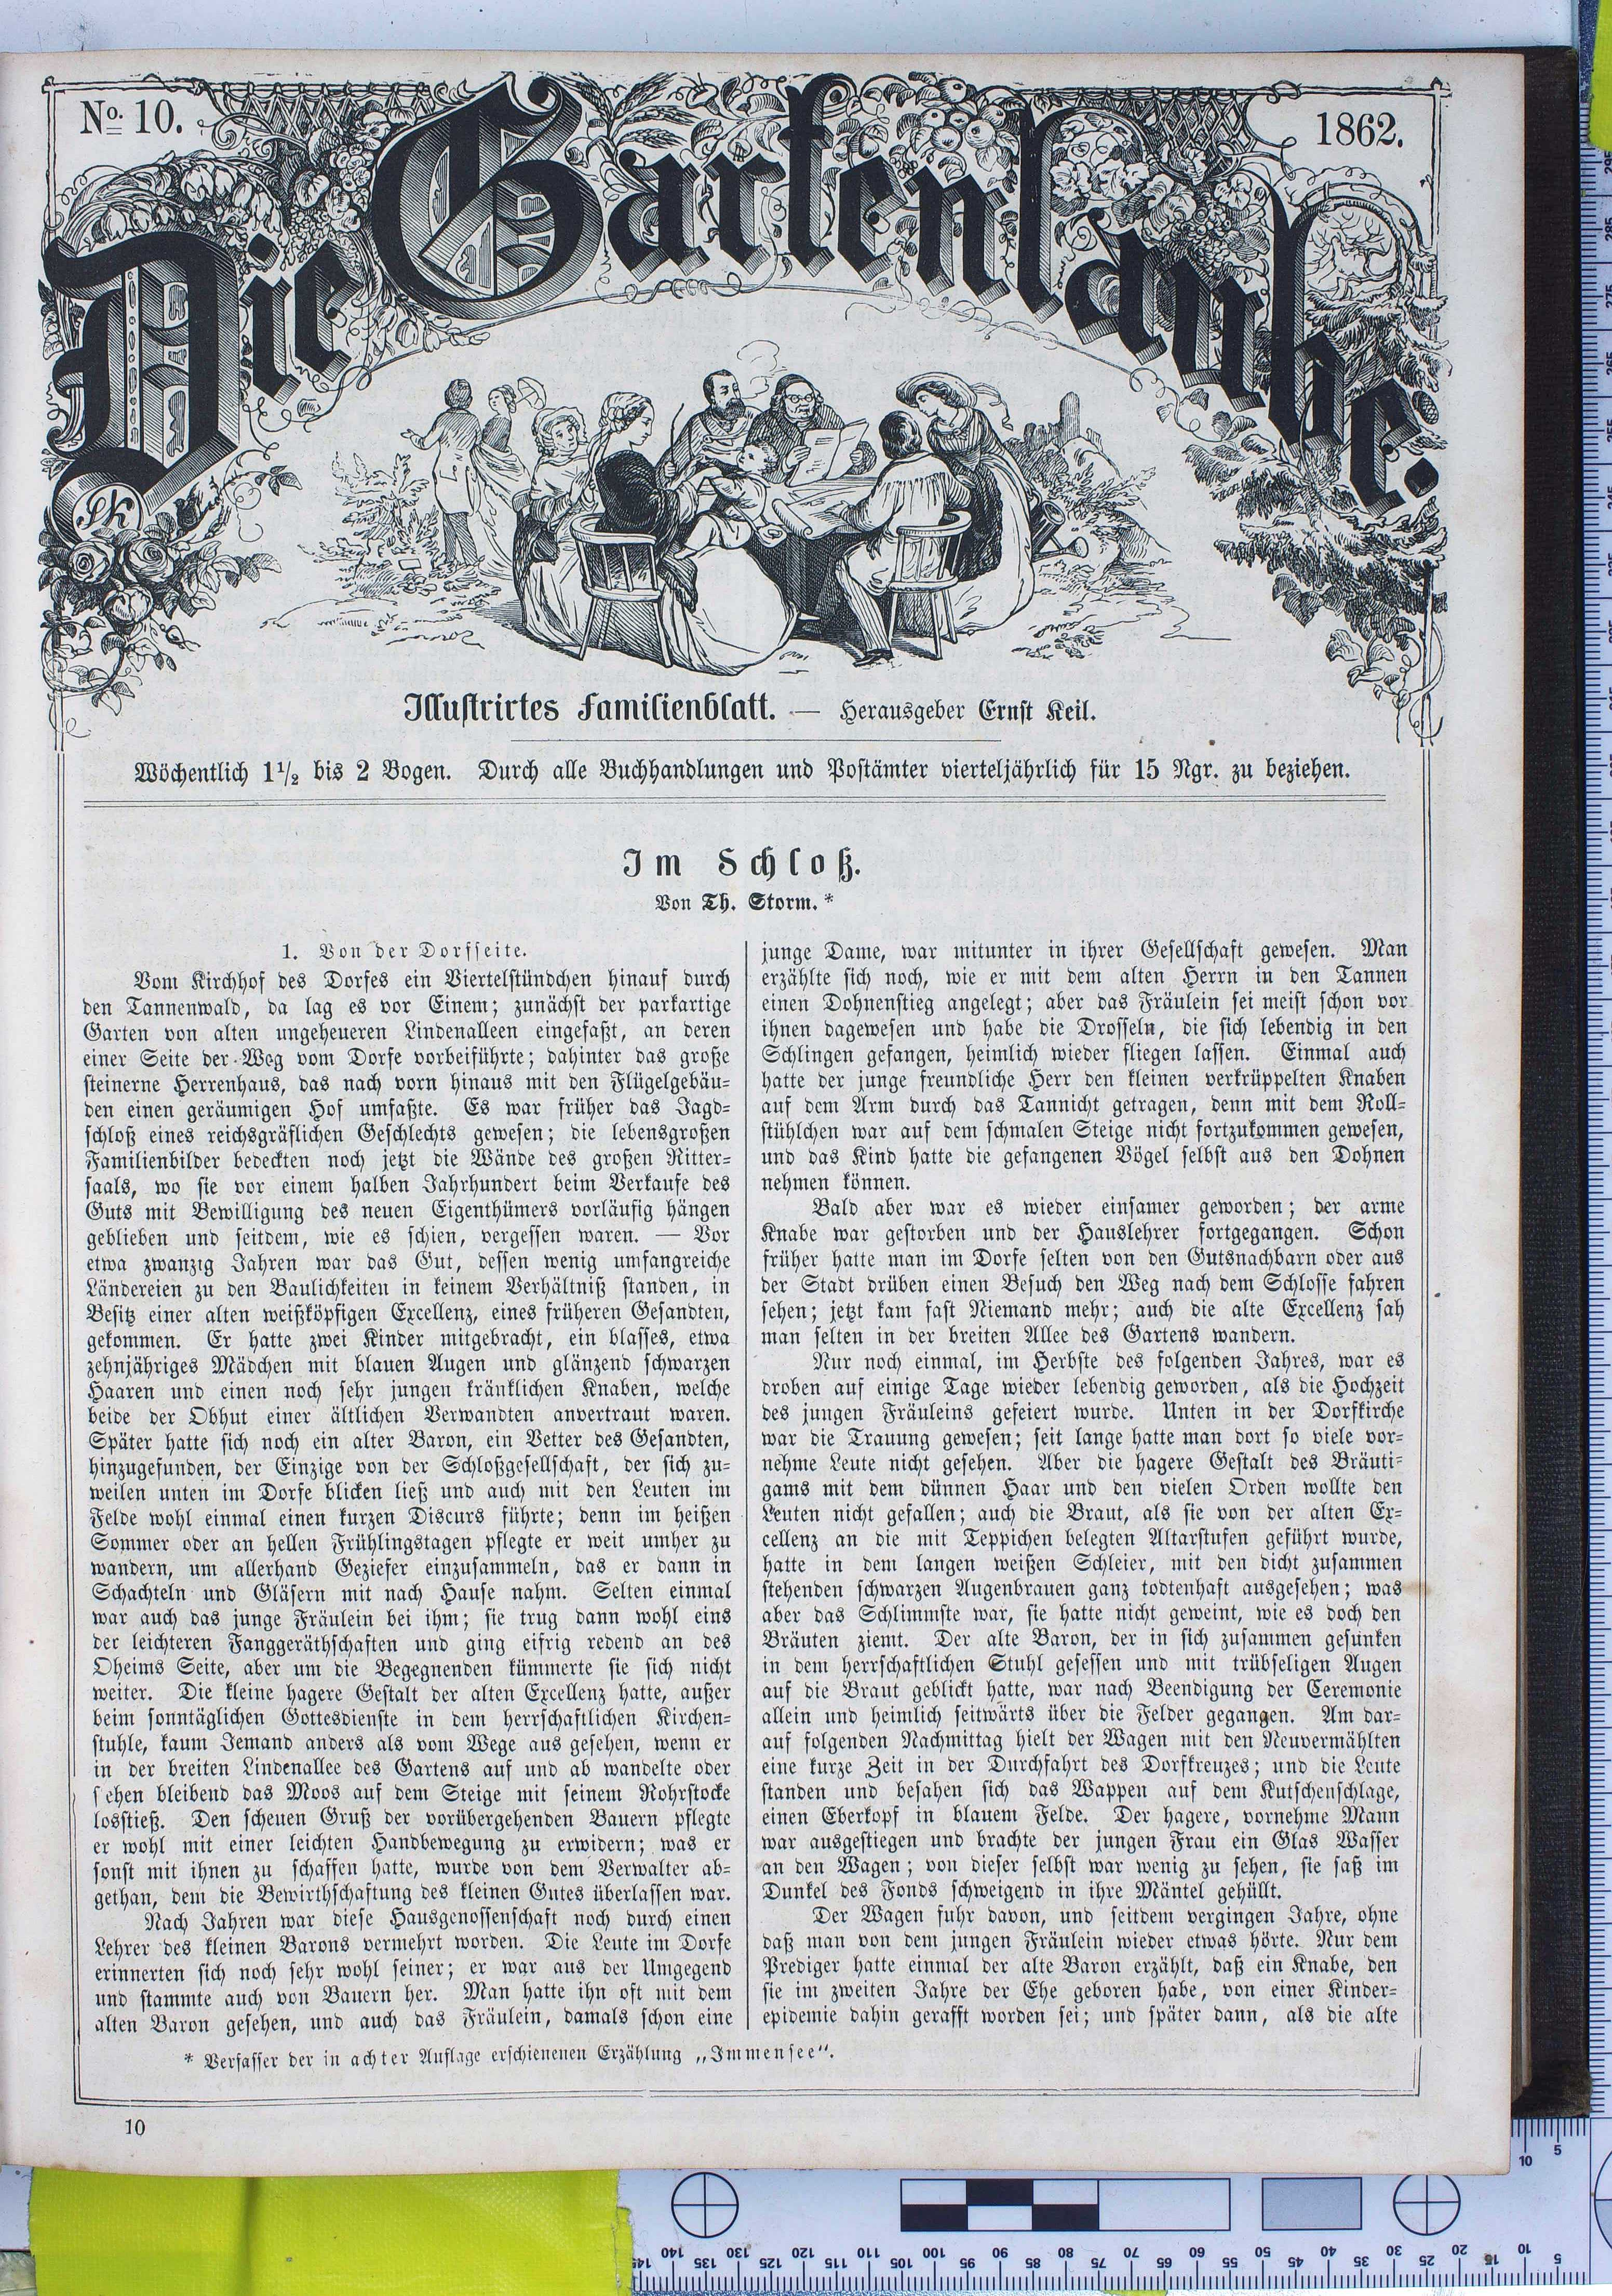No. 10. 1862.
Die Gartenlaube.

Illustrirtes Familienblatt. – Herausgeber Ernst Keil.

Wöchentlich 1½ bis 2 Bogen. Durch alle Buchhandlungen und Postämter vierteljährlich für 15 Ngr. zu beziehen.

Im Schloß.
Von Th. Storm.

1. Von der Dorfseite.
Vom Kirchhof des Dorfes ein Viertelstündchen hinauf durch den Tannenwald, da lag es vor Einem; zunächst der parkartige Garten von alten ungeheueren Lindenalleen eingefaßt, an deren einer Seite der Weg vom Dorfe vorbeiführte; dahinter das große steinerne Herrenhaus, das nach vorn hinaus mit den Flügelgebäuden einen geräumigen Hof umfaßte. Es war früher das Jagdschloß eines reichsgräflichen Geschlechts gewesen; die lebensgroßen Familienbilder bedeckten noch jetzt die Wände des großen Rittersaals, wo sie vor einem halben Jahrhundert beim Verkaufe des Guts mit Bewilligung des neuen Eigenthümers vorläufig hängen geblieben und seitdem, wie es schien, vergessen waren. – Vor etwa zwanzig Jahren war das Gut, dessen wenig umfangreiche Ländereien zu den Baulichkeiten in keinem Verhältniß standen, in Besitz einer alten weißköpfigen Excellenz, eines früheren Gesandten, gekommen. Er hatte zwei Kinder mitgebracht, ein blasses, etwa zehnjähriges Mädchen mit blauen Augen und glänzend schwarzen Haaren und einen noch sehr jungen kränklichen Knaben, welche beide der Obhut einer ältlichen Verwandten anvertraut waren. Später hatte sich noch ein alter Baron, ein Vetter des Gesandten, hinzugefunden, der Einzige von der Schloßgesellschaft, der sich zuweilen unten im Dorfe blicken ließ und auch mit den Leuten im Felde wohl einmal einen kurzen Discurs führte; denn im heißen Sommer oder an hellen Frühlingstagen pflegte er weit umher zu wandern, um allerhand Geziefer einzusammeln, das er dann in Schachteln und Gläsern mit nach Hause nahm. Selten einmal war auch das junge Fräulein bei ihm; sie trug dann wohl eins der leichteren Fanggeräthschaften und ging eifrig redend an des Oheims Seite, aber um die Begegnenden kümmerte sie sich nicht weiter. Die kleine hagere Gestalt der alten Excellenz hatte, außer beim sonntäglichen Gottesdienste in dem herrschaftlichen Kirchenstuhle, kaum Jemand anders als vom Wege aus gesehen, wenn er in der breiten Lindenallee des Gartens auf und ab wandelte oder stehen bleibend das Moos auf dem Steige mit seinem Rohrstocke losstieß. Den scheuen Gruß der vorübergehenden Bauern pflegte er wohl mit einer leichten Handbewegung zu erwidern; was er sonst mit ihnen zu schaffen hatte, wurde von dem Verwalter abgethan, dem die Bewirthschaftung des kleinen Gutes überlassen war.

Nach Jahren war diese Hausgenossenschaft noch durch einen Lehrer des kleinen Barons vermehrt worden. Die Leute im Dorfe erinnerten sich noch sehr wohl seiner; er war aus der Umgegend und stammte auch von Bauern her. Man hatte ihn oft mit dem alten Baron gesehen, und auch das Fräulein, damals schon eine junge Dame, war mitunter in ihrer Gesellschaft gewesen. Man erzählte sich noch, wie er mit dem alten Herrn in den Tannen einen Dohnenstieg angelegt; aber das Fräulein sei meist schon vor ihnen dagewesen und habe die Drosseln, die sich lebendig in den Schlingen gefangen, heimlich wieder fliegen lassen. Einmal auch hatte der junge freundliche Herr den kleinen verkrüppelten Knaben auf dem Arm durch das Tannicht getragen, denn mit dem Rollstühlchen war auf dem schmalen Steige nicht fortzukommen gewesen, und das Kind hatte die gefangenen Vögel selbst aus den Dohnen nehmen können.

Bald aber war es wieder einsamer geworden; der arme Knabe war gestorben und der Hauslehrer fortgegangen. Schon früher hatte man im Dorfe selten von den Gutsnachbarn oder aus der Stadt drüben einen Besuch den Weg nach dem Schlosse fahren sehen; jetzt kam fast Niemand mehr; auch die alte Excellenz sah man selten in der breiten Allee des Gartens wandern.

Nur noch einmal, im Herbste des folgenden Jahres, war es droben auf einige Tage wieder lebendig geworden, als die Hochzeit des jungen Fräuleins gefeiert wurde. Unten in der Dorfkirche war die Trauung gewesen; seit lange hatte man dort so viele vornehme Leute nicht gesehen. Aber die hagere Gestalt des Bräutigams mit dem dünnen Haar und den vielen Orden wollte den Leuten nicht gefallen; auch die Braut, als sie von der alten Excellenz an die mit Teppichen belegten Altarstufen geführt wurde, hatte in dem langen weißen Schleier, mit den dicht zusammen stehenden schwarzen Augenbrauen ganz todtenhaft ausgesehen; was aber das Schlimmste war, sie hatte nicht geweint, wie es doch den Bräuten ziemt. Der alte Baron, der in sich zusammen gesunken in dem herrschaftlichen Stuhl gesessen und mit trübseligen Augen auf die Braut geblickt hatte, war nach Beendigung der Ceremonie allein und heimlich seitwärts über die Felder gegangen. Am darauf folgenden Nachmittag hielt der Wagen mit den Neuvermählten eine kurze Zeit in der Durchfahrt des Dorfkreuzes; und die Leute standen und besahen sich das Wappen auf dem Kutschenschlage, einen Eberkopf in blauem Felde. Der hagere, vornehme Mann war ausgestiegen und brachte der jungen Frau ein Glas Wasser an den Wagen; von dieser selbst war wenig zu sehen, sie saß im Dunkel des Fonds schweigend in ihre Mäntel gehüllt.

Der Wagen fuhr davon, und seitdem vergingen Jahre, ohne daß man von dem jungen Fräulein wieder etwas hörte. Nur dem Prediger hatte einmal der alte Baron erzählt, daß ein Knabe, den sie im zweiten Jahre der Ehe geboren habe, von einer Kinderepidemie dahin gerafft worden sei; und später dann, als die alte
Verfasser der in achter Auflage erschienenen Erzählung „Immensee“.
